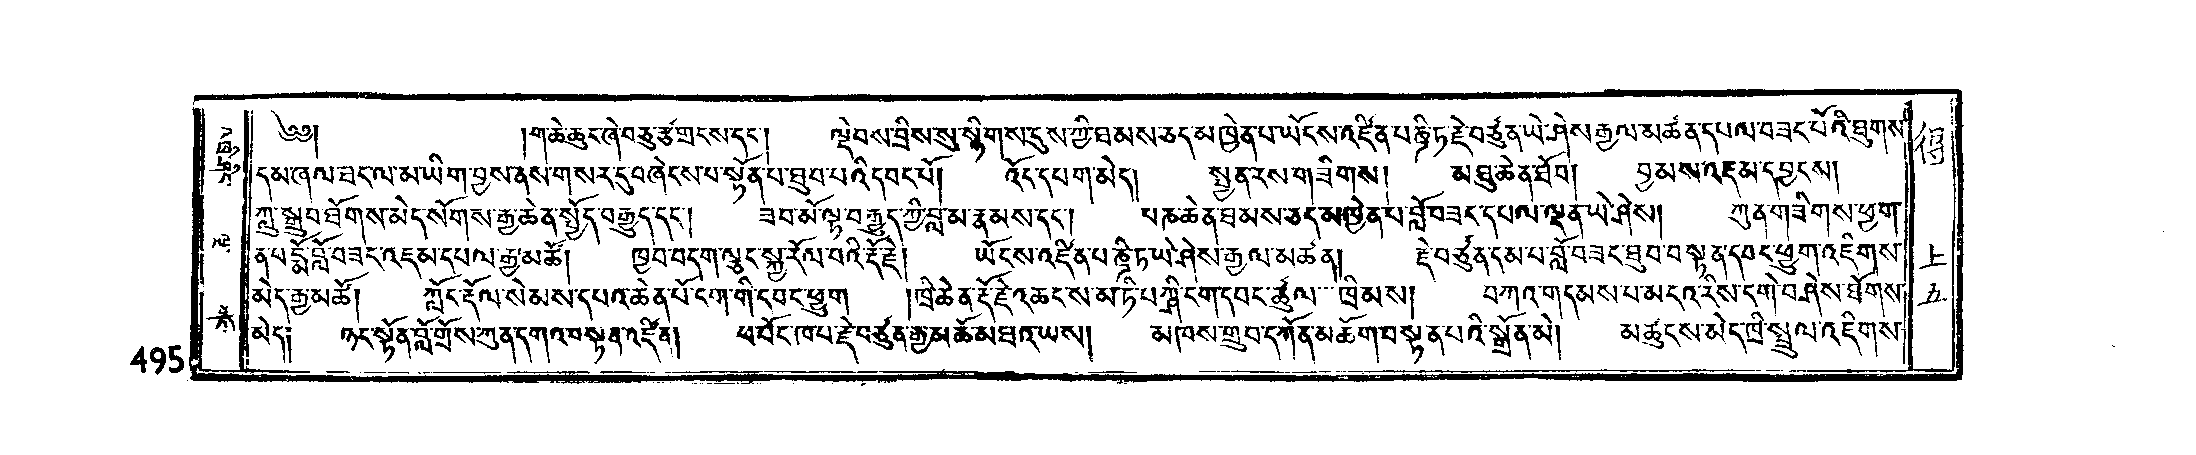༄༅། །ག་ཆེ་ཆུང་ཞེ་བཅུ་རྩ་གྲངས་དང་། ལྡེབས་བྲིས་སུ་སྙིགས་དུས་ཀྱི་ཐམས་ཅད་མཁྱེན་པ་ཡོངས་འཛིན་པཎྜི་ཏ་རྗེ་བཙུན་ཡེ་ཤེས་རྒྱལ་མཚན་དཔལ་བཟང་པོའི་ཐུགས་
དམ་ཞལ་ཐང་ལ་མ་ཡིག་བྱས་ནས་གསར་དུ་བཞེངས་པ་སྟོན་པ་ཐུབ་པའི་དབང་པོ། འོང་དཔག་མེད། སྤྱན་རས་གཟིགས། མཐུ་ཆེན་ཐོབ། བྱམས་འཇམ་དབྱངས།
ཀླུ་སྒྲུབ་ཐོགས་མེད་སོགས་རྒྱ་ཆེན་སྤྱོད་བརྒྱུད་དང་། ཟབ་མོ་ལྟ་བརྒྱུད་ཀྱི་བླ་མ་རྣམས་དང་། པཎ་ཆེན་ཐམས་ཅད་མཁྱེན་པ་བློ་བཟང་དཔལ་ལྡན་ཡེ་ཤེས། ཀུན་གཟིགས་ཕྱག་
ན་པདམོ་བློ་བཟང་འཇམ་དཔལ་རྒྱ་མཚོ། ཁྱབ་བདག་ལྕང་སྐྱ་རོལ་བའི་རྡོ་རྗེ། ཡོངས་འཛིན་པཎྜི་ཏ་ཡེ་ཤེས་རྒྱལ་མཚན། རྗེ་བཙུན་དམ་པ་བློ་བཟང་ཐུབ་བསྟན་དབང་ཕྱུག་འཇིགས་
མེད་རྒྱ་མཚོ། ཀློང་རྡོལ་སེམས་དཔའ་ཆེན་པོ་ངག་གི་དབང་ཕྱུག །ཁྲི་ཆེན་རྡོ་རྗེ་འཆང་ས་མ་ཏི་པཀྴི་ངག་དབང་ཚུལ་ཁྲིམས། བཀའ་གདམས་པ་མངའ་རིས་དགེ་བཤེས་ཐོགས་
མེད། ཉང་སྟོན་བློ་གྲོས་ཀུན་དགའ་བསྟན་འཛིན། ཕ་བོང་ཁ་པ་རྗེ་བཙུན་རྒྱ་མཚོ་མཐའ་ཡས། མཁས་གྲུབ་དཀོན་མཆོག་བསྟན་པའི་སྒྲོན་མེ། མཚུངས་མེད་ཁྲི་སྤྲུལ་འཇིགས་